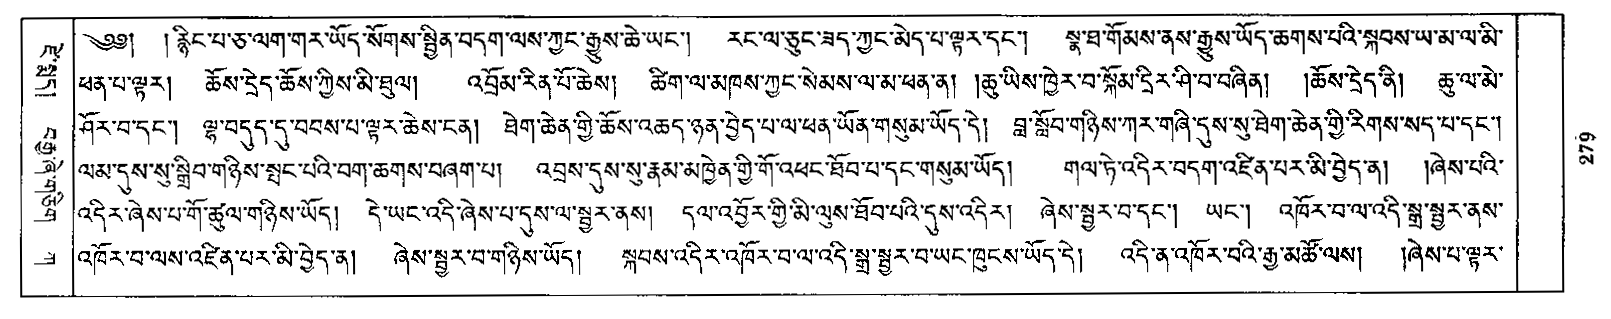༄༅། །རྙིང་པ་ཅ་ལག་གར་ཡོད་སོགས་སྦྱིན་བདག་ལས་ཀྱང་རྒྱུས་ཆེ་ཡང་། རང་ལ་ཅུང་ཟད་ཀྱང་མེད་པ་ལྟར་དང་། སྣ་ཐ་གོམས་ནས་རྒྱུས་ཡོད་ཆགས་པའི་སྐབས་ཡ་མ་ལ་མི་
ཕན་པ་ལྟར། ཆོས་དྲེད་ཆོས་ཀྱིས་མི་ཐུལ། འབྲོམ་རིན་པོ་ཆེས། ཚིག་ལ་མཁས་ཀྱང་སེམས་ལ་མ་ཕན་ན། །ཆུ་ཡིས་ཁྱེར་བ་སྐོམ་དྲིར་ཤི་བ་བཞིན། །ཆོས་དྲེད་ནི། ཆུ་ལ་མེ་
ཤོར་བ་དང་། ལྷ་བདུད་དུ་བབས་པ་ལྟར་ཆེས་ངན། ཐེག་ཆེན་གྱི་ཆོས་འཆད་ཉན་བྱེད་པ་ལ་ཕན་ཡོན་གསུམ་ཡོད་དེ། བླ་སློབ་གཉིས་ཀར་གཞི་དུས་སུ་ཐེག་ཆེན་གྱི་རིགས་སད་པ་དང་།
ལམ་དུས་སུ་སྒྲིབ་གཉིས་སྤང་བའི་བག་ཆགས་བཞག་པ། འབྲས་དུས་སུ་རྣམ་མཁྱེན་གྱི་གོ་འཕང་ཐོབ་པ་དང་གསུམ་ཡོད། གལ་ཏེ་འདིར་བདག་འཛིན་པར་མི་བྱེད་ན། །ཞེས་པའི་
འདིར་ཞེས་པ་གོ་ཚུལ་གཉིས་ཡོད། དེ་ཡང་འདི་ཞེས་པ་དུས་ལ་སྦྱར་ནས། དལ་འབྱོར་གྱི་མི་ལུས་ཐོབ་པའི་དུས་འདིར། ཞེས་སྦྱར་བ་དང་། ཡང་། འཁོར་བ་ལ་འདི་སྒྲ་སྦྱར་ནས་
འཁོར་བ་ལས་འཛིན་པར་མི་བྱེད་ན། ཞེས་སྦྱར་བ་གཉིས་ཡོད། སྐབས་འདིར་འཁོར་བ་ལ་འདི་སྒྲ་སྦྱར་བ་ཡང་ཁུངས་ཡོད་དེ། འདི་ན་འཁོར་བའི་རྒྱ་མཚོ་ལས། །ཞེས་པ་ལྟར་